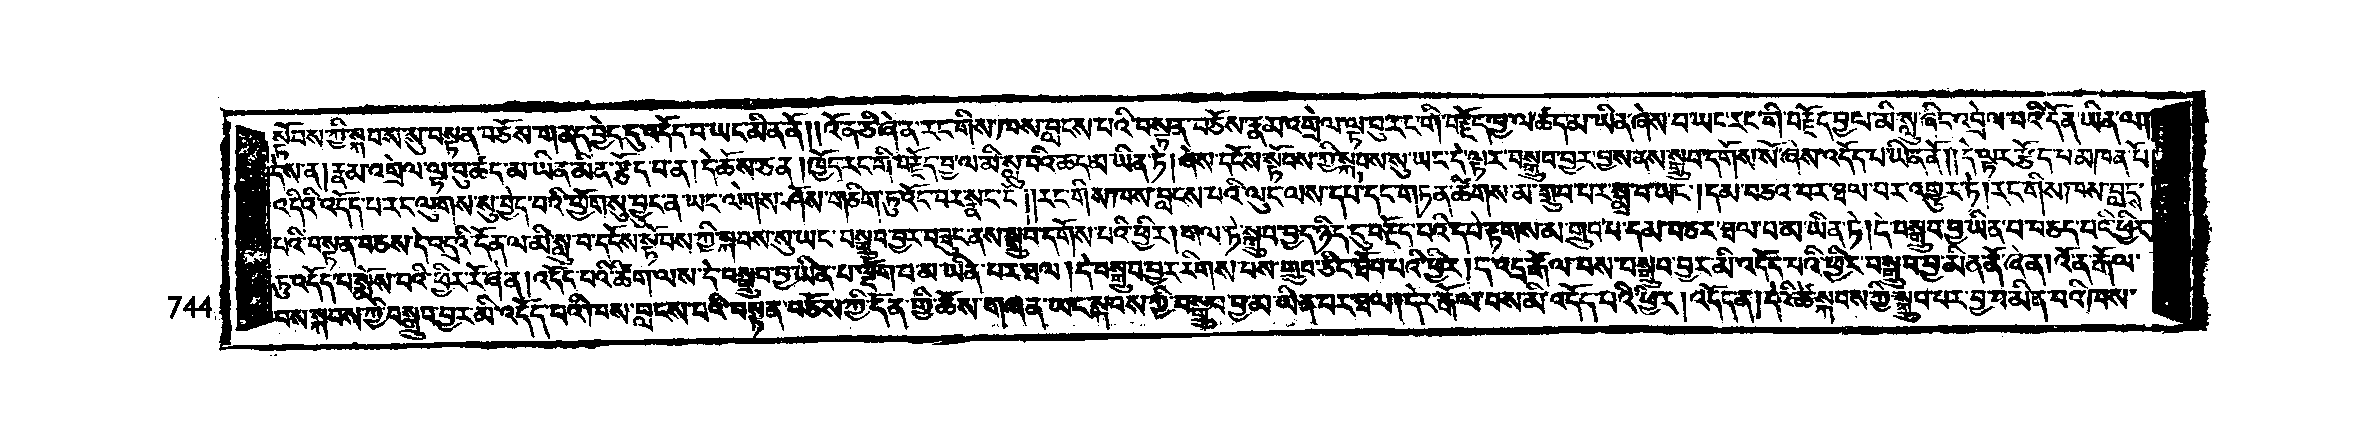སྟོབས་ཀྱི་སྐབས་སུ་བསྟན་བཅོས་གནོད་བྱེད་དུ་འདོད་པ་ཡང་མིན་ནོ། །འོ་ན་ཅི་ཞེ་ན་རང་གིས་ཁས་བླངས་པའི་བསྟན་བཅོས་རྣམ་འགྲེལ་ལྟ་བུ་རང་གི་བརྗོད་བྱ་ལ་ཚད་མ་ཡིན་ཞེས་པ་ཡང་རང་གི་བརྗོད་བྱ་ལ་མི་སླུ་ཞིང་འབྲེལ་བའི་དོན་ཡིན་ལ།
དེས་ན། རྣམ་འགྲེལ་ལྟ་བུ་ཚད་མ་ཡིན་མིན་རྩོད་པ་ན། དེ་ཆོས་ཅན། ཁྱོད་རང་གི་བརྗོད་བྱ་ལ་མི་སླུ་བའི་ཚད་མ་ཡིན་ཏེ། ཞེས་དངོས་སྟོབས་ཀྱི་སྐབས་སུ་ཡང་དེ་ལྟར་བསྒྲུབ་བྱར་བྱས་ནས་སྒྲུབ་དགོས་སོ་ཞེས་འདོད་པ་ཡིན་ནོ། །དེ་ལྟར་རྩོད་པ་མཁན་པོ་
འདིའི་འདོད་པ་རང་ལུགས་སུ་བྱེད་པའི་ཕྱོགས་སུ་བྱུང་ན་ཡང་ལེགས་ཤོས་གཅིག་ཏུ་འོང་བར་སྣང་བ། །རང་གིས་ཁས་བླངས་པའི་ལུང་ལས་དཔེ་དང་གཏན་ཚིགས་མ་གྲུབ་པར་སྨྲ་བ་ཡང་། དམ་བཅའ་བར་ཐལ་བར་འགྱུར་ཏེ། རང་གིས་ཁས་བླངས་
པའི་བསྟན་བཅོས་དེ་འདྲའི་དོན་ལ་མི་སླུ་བ་དངོས་སྟོབས་ཀྱི་སྐབས་སུ་ཡང་བསྒྲུབ་བྱར་བཟུང་ནས་སྒྲུབ་དགོས་པའི་ཕྱིར། གལ་ཏེ་སྒྲུབ་བྱེད་ཉིད་དུ་བརྗོད་པའི་དཔེ་རྟགས་མ་གྲུབ་པ་དམ་བཅར་ཐལ་བ་མ་ཡིན་ཏེ། དེ་བསྒྲུབ་བྱ་ཡིན་པ་བཅད་པའི་ཕྱིར་
ཏུ་འདོད་པ་སྨོས་པའི་ཕྱིར་རོ་ཞེ་ན། འདོད་པའི་ཚིག་ལས་དེ་བསྒྲུབ་བྱ་ཡིན་པ་ལྡོག་པ་མ་ཡིན་པར་ཐལ། དེ་བསྒྲུབ་བྱར་རིགས་པས་གྲུབ་ཅིང་ཐོབ་པའི་ཕྱིར། དེ་འདྲ་རྒོལ་བས་བསྒྲུབ་བྱར་མི་འདོད་པའི་ཕྱིར་བསྒྲུབ་བྱ་མིན་ནོ་ཞེ་ན། འོ་ན་རྒོལ་
བས་སྐབས་ཀྱི་བསྒྲུབ་བྱར་མི་འདོད་པའི་ཁས་བླངས་པའི་བསྟན་བཅོས་ཀྱི་དོན་གྱི་ཆོས་གཞན་ཡང་སྐབས་ཀྱི་བསྒྲུབ་བྱ་མ་ཡིན་པར་ཐལ། དེར་རྒོལ་བས་མི་འདོད་པའི་ཕྱིར། འདོད་ན། དེའི་ཚེ་སྐབས་ཀྱི་སྒྲུབ་པར་བྱ་བ་མིན་པའི་ཁས་